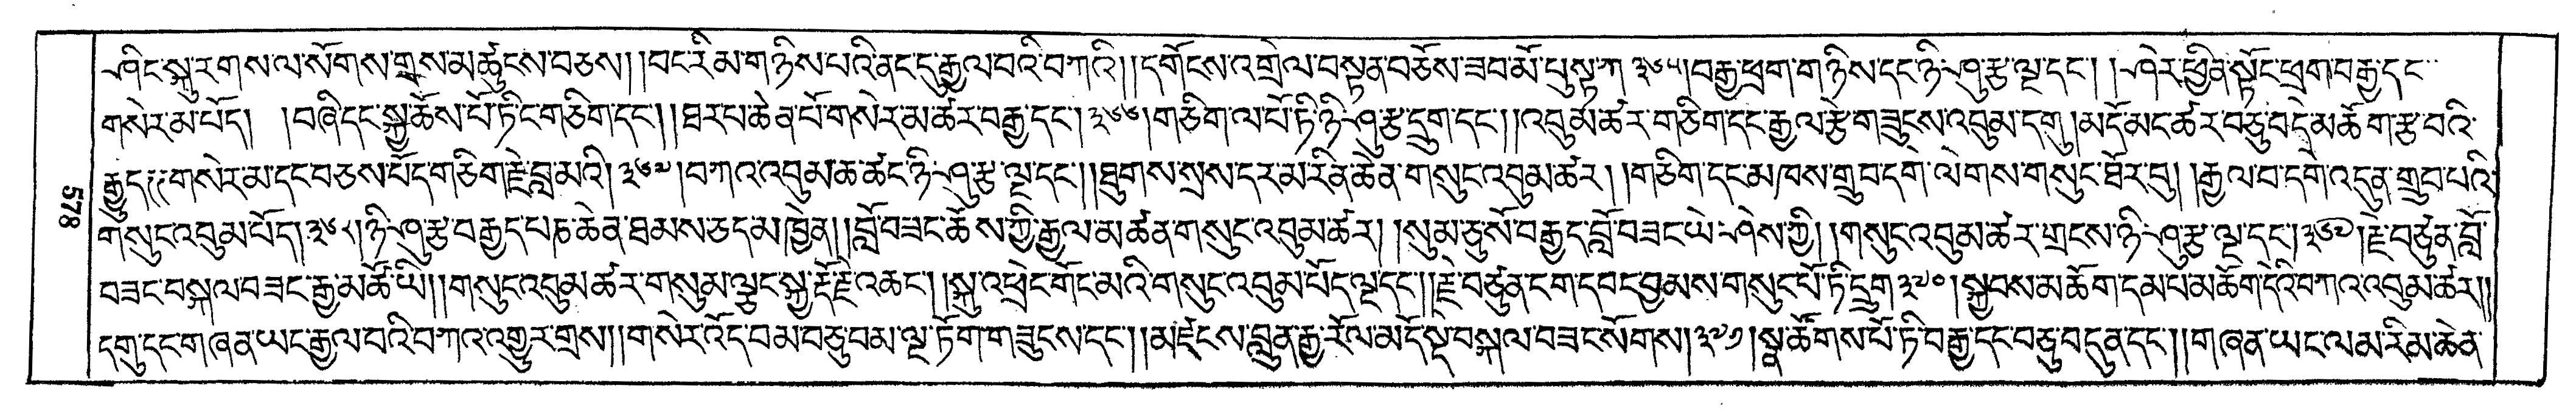ཤིང་སྐུ་རགས་ལ་སོགས་གྲས་མཚུངས་བཅས། །བང་རིམ་གཉིས་པའི་ནང་དུ་རྒྱལ་བའི་བཀའི། །དགོངས་འགྲེལ་བསྟན་བཅོས་ཟབ་མོ་པུསྟ་ཀ ༣༠༥་།བརྒྱ་ཕྲག་གཉིས་དང་ཉི་ཤུ་རྩ་ལྔ་དང་། །ཤེར་ཕྱིན་སྟོང་ཕྲག་བརྒྱད་པ་
གསེར་མ་པོད། །བཞི་དང་སྐྱ་ཆོས་པོ་ཏིང་གཅིག་དང་། །ཐར་པ་ཆེན་པོ་གསེར་མཚར་བརྒྱ་དང་། ༣༦༦་།གཅིག་ལ་པོ་ཏི་ཉི་ཤུ་རྩ་དྲུག་དང་། །འབུམ་ཚར་གཅིག་དང་རྒྱལ་རྩ་གཟུངས་འབུམ་དགུ །མདོ་མད་ཚར་བཅུ་བདེ་མཆོག་རྩ་བའི་
རྒྱུད༑ ༑གསེར་མ་དང་བཅས་པོད་གཅིག་རྗེ་བླ་མའི། ༣༦༧་།བཀའ་འབུམ་ཆ་ཚང་ཉི་ཤུ་རྩ་ལྔ་དང་། །ཐུགས་སྲས་དར་མ་རིན་ཆེན་གསུང་འབུམ་ཚར། །གཅིག་དང་མཁས་གྲུབ་དགེ་ལེགས་གསུང་ཐོར་བུ། །རྒྱལ་པ་དགེ་འདུན་གྲུབ་པའི་
གསུང་འབུམ་པོད། ༣༦༨་།ཉི་ཤུ་རྩ་བརྒྱད་པཎ་ཆེན་ཐམས་ཅད་མཁྱེན། །བློ་བཟང་ཆོས་ཀྱི་རྒྱལ་མཚན་གསུང་འབུམ་ཚར། །སུམ་ཅུ་སོ་བརྒྱད་བློ་བཟང་ཡེ་ཤེས་ཀྱི། །གསུང་འབུམ་ཚར་གྲངས་ཉི་ཤུ་རྩ་ལྔ་དང་། ༣༦༧་།རྗེ་བཙུན་བློ་
བཟང་བསྐལ་བཟང་རྒྱ་མཚོ་ཡི། །གསུང་འབུམ་ཚར་གསུམ་ལྕང་སྐྱ་རྡོ་རྗེ་འཆང་། །སྐུ་འཕྲེང་གོང་མའི་གསུང་འབུམ་པོད་ལྔ་དང་། །རྗེ་བཙུན་ངག་དབང་བྱམས་གསུང་པོ་ཏི་དྲུག ༣༧༠་།སྐྱབས་མཆོག་དམ་པ་མཆོག་དེའི་བཀའ་འབུམ་ཚམ་
དགུ་དང་གཞན་ཡང་རྒྱལ་བའི་བཀའ་འགྱུར་གྲས། །གསེར་འོད་བམ་བཅུ་བམ་ལྔ་ཏོག་གཟུངས་དང་། །མཛངས་བླུན་རྒྱ་རོལ་མདོ་སྡེ་བསྐལ་བཟང་སོགས། ༣༧༡་།སྣ་ཚོགས་པོ་ཏི་བརྒྱ་དང་བཅུ་བདུན་དང་། །གཞན་ཡང་ལམ་རིམ་ཆེན་